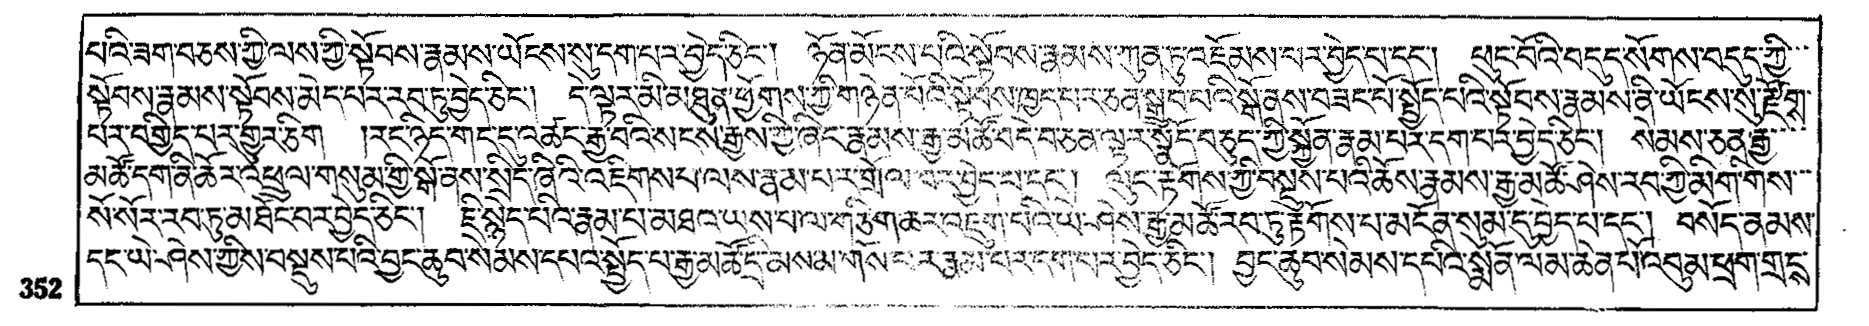པའི་ཟག་བཅས་ཀྱི་ལས་ཀྱི་སྟོབས་རྣམས་ཡོངས་སུ་དག་པར་བྱེད་ཅིང་། ཉོན་མོངས་པའི་སྟོབས་རྣམས་ཀུན་ཏུ་འཇོམས་པར་བྱེད་པ་དང་། ཕུང་བོའི་བདུད་སོགས་བདུད་ཀྱི་
སྟོབས་རྣམས་སྟོབས་མེད་པར་རབ་ཏུ་བྱེད་ཅིང་། དེ་ལྟར་མི་མཐུན་ཕྱོགས་ཀྱི་གཉེན་པོའི་སྟོབས་ཁྱད་པར་ཅན་སྒྲུབ་པའི་སྒོ་ནས་བཟང་པོ་སྤྱོད་པའི་སྟོབས་རྣམས་ནི་ཡོངས་སུ་རྫོགས་
པར་བགྱིད་པར་གྱུར་ཅིག །རང་ཉིད་གང་དུ་འཚང་རྒྱ་བའི་སངས་རྒྱས་ཀྱི་ཞིང་རྣམས་རྒྱ་མཚོ་བདེ་བ་ཅན་ལྟར་སྣོད་བཅུད་ཀྱི་སྐྱོན་རྣམ་པར་དག་པར་བྱེད་ཅིང་། སེམས་ཅན་རྒྱ་
མཚོ་དག་ནི་ཆོར་འཕྲུལ་གསུམ་གྱི་སྒོ་ནས་སྲིད་ཞིའི་འཇིགས་པ་ལས་རྣམ་པར་གྲོལ་བར་བྱེད་པ་དང་། ལུང་རྟོགས་ཀྱི་བསྡུས་པའི་ཆོས་རྣམས་རྒྱ་མཚོ་ཤེས་རབ་ཀྱི་མིག་གིས་
སོ་སོར་རབ་ཏུ་མཐོང་བར་བྱེད་ཅིང་། ཇི་སྙེད་པའི་རྣམ་པ་མཐའ་ཡས་པ་ལ་གཅིག་ཆར་འཇུག་པའི་ཡེ་ཤེས་རྒྱ་མཚོ་རབ་ཏུ་རྟོགས་པ་མངོན་སུམ་དུ་བྱེད་པ་དང་། བསོད་ནམས་
དང་ཡེ་ཤེས་ཀྱིས་བསྡུས་པའི་བྱང་ཆུབ་སེམས་དཔའ་སྤྱོད་པ་རྒྱ་མཚོ་དྲི་མས་མ་གོས་པར་རྣམ་པར་དག་པར་བྱེད་ཅིང་། བྱང་ཆུབ་སེམས་དཔའི་སྨོན་ལམ་ཆེན་པོ་འབུམ་ཕྲག་གྲངས་